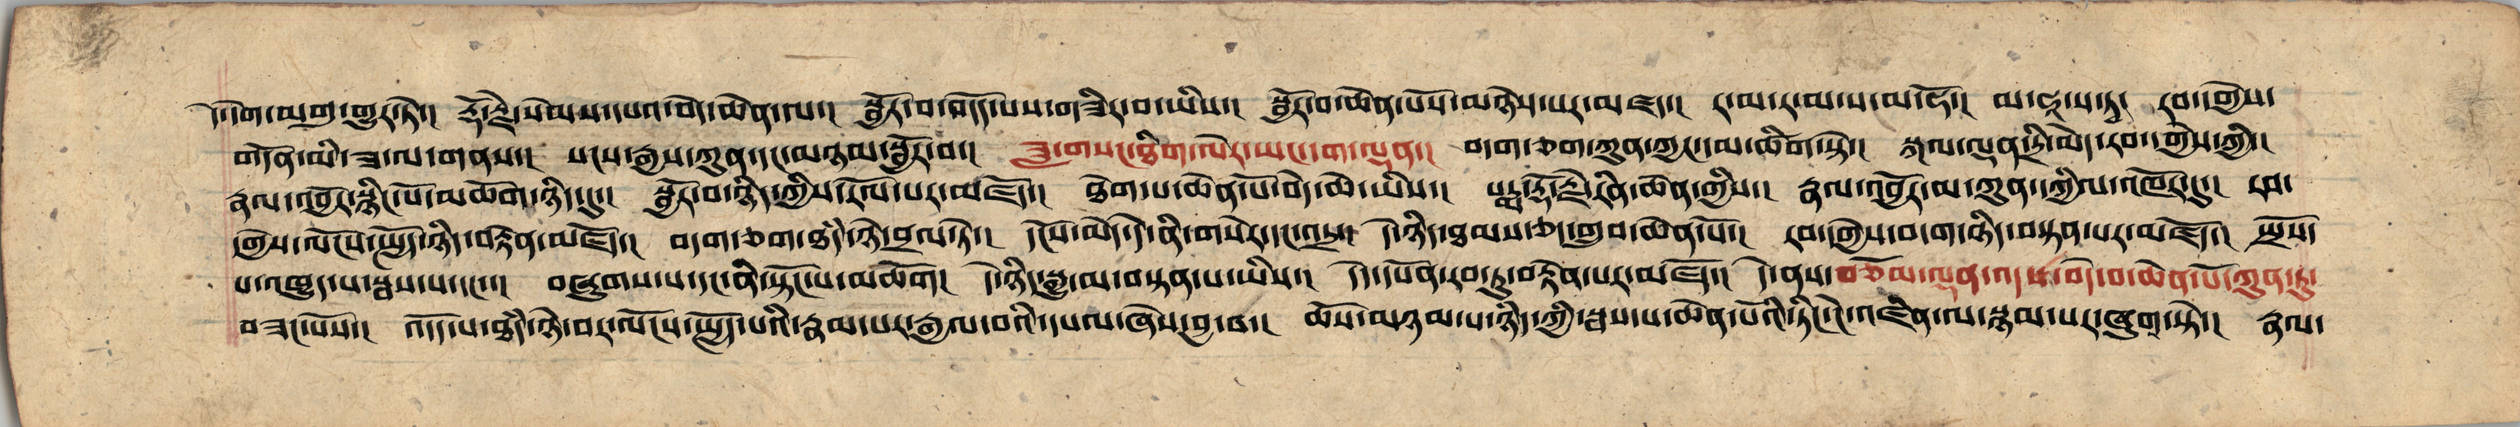དེ་དགེ་མགུ་གྱུར་ཏེ་། རྡོ་རྗེ་སེམས་དཔའ་བདེ་ཆེན་ལ་། སྦྱོར་བ་འདོད་པས་གཟིར་བ་ཡིས་། སྦྱོར་བ་ཆེན་པོས་མཉེས་པར་མཛད་། ར་མ་ར་མ་ས་མ་ཧོ་། མ་ཧཱ་ས་ཏྭ། རབ་དགྱེས་
གདོན་མི་ཟ་ལ་གནས་། སངས་རྒྱས་ཀུན་དང་མཉམ་སྦྱོར་བ་། ཟླ་གསང་ཐིག་ལེར་ཡང་དག་ལྡན་། བདག་ཅག་ཀུན་ཀྱང་མ་ཚིག་སྟེ་། སྐལ་ལྡན་དྲི་མེད་རབ་དགྱེས་ཀྱི་
རྣལ་འབྱོར་སྙིང་པོ་མཆོག་ཉིད་དུ་། སྦྱོར་བ་ཉིད་ཀྱིས་རོལ་པར་མཛོད་། ཐེག་པ་ཆེན་པོ་བདེ་ཆེ་ཡིས་། པདྨ་རྡོ་རྗེ་རིན་ཆེན་གྱིས་། རྣལ་འབྱོར་མ་ཀུན་དཀྱིལ་འཁོར་དུ་། རབ་
དགྱེས་ལོངས་སྤྱོད་ཉིད་བརྟེན་མཛོད་། བདག་ཅག་ཐཾད་ཉེ་བྲལ་ཏེ་། དངོས་མེད་དེ་ནི་གསེར་དང་འདྲ་། དེ་ཉིད་ཐམས་ཅད་གྲུབ་ཆེན་པོ་། རབ་དགྱེས་བདག་ཉིད་བསྟན་པར་མཛོད་། སྤྲོས་
པ་འཁྱུད་པ་སྦས་པ་དང་་། བཞུགས་པ་དང་ནི་སྟོང་པ་མཆོག། དེ་ཉིད་སྒྱུ་མ་བསྟན་པ་ཡིས་། དེད་དཔོན་རབ་ཏུ་བརྟེན་པར་མཛོད་། དེ་ནས་བཅོམ་ལྡན་འདས་བདེ་བ་ཆེན་པོ་ཀུན་ཏུ་
བཟང་པོས་། འོདད་པ་ཐཾད་ཉེ་བར་ལོངས་སྤྱོད་པའི་རྣམ་པར་རྒྱལ་བའི་དཔལ་ཞེས་བྱ་བ་། ཆོས་མཉམ་པ་ཉིད་ཀྱི་སྦས་པ་ཆེན་པོའི་ཏིང་ངེ་འཛིན་ལ་སྙམ་པར་ཞུགས་ཏེ་། རྣལ་